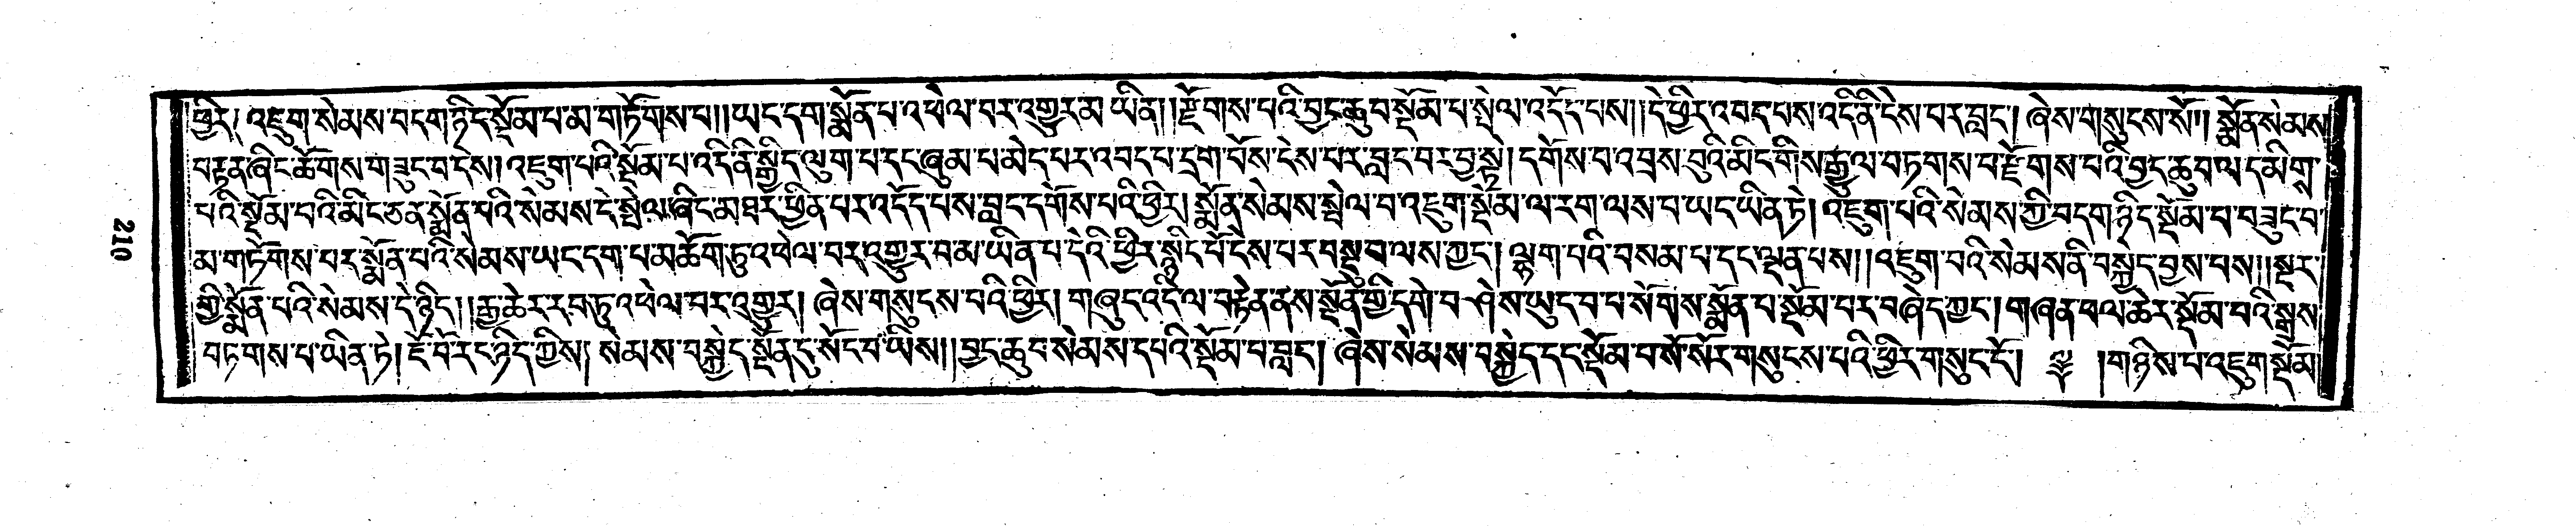ཕྱིར། འཇུག་སེམས་བདག་ཉིད་སྡོམ་པ་མ་གཏོགས་པ། །ཡང་དག་སྨོན་པ་འཕེལ་བར་འགྱུར་མ་ཡིན། །རྫོགས་པའི་བྱང་ཆུབ་སྡོམ་པ་སྤེལ་འདོད་པས། །དེ་ཕྱིར་འབད་པས་འདི་ནི་ངེས་པར་བླང་། ཞེས་གསུངས་སོ། །སྨོན་སེམས་
བརྟན་ཞིང་ཆོ་གས་གཟུང་བ་དེས། འཇུག་པའི་སྡོམ་པ་འདི་ནི་སྒྱིད་ལུག་པ་དང་ཞུམ་པ་མེད་པར་འབད་པ་དྲག་པོས་ངེས་པར་བླང་བར་བྱ་སྟེ། དགོས་པ་འབྲས་བུའི་མིང་གིས་རྒྱུ་ལ་བཏགས་པ་རྫོགས་པའི་བྱང་ཆུབ་ལ་དམིགས་
པའི་སྡོམ་པའི་མིང་ཅན་སྨོན་པའི་སེམས་དེ་སྤེལ་ཞིང་མཐར་ཕྱིན་པར་འདོད་པས་བླང་དགོས་པའི་ཕྱིར། སྨོན་སེམས་སྤེལ་བ་འཇུག་སྡོམ་ལ་རག་ལས་པ་ཡང་ཡིན་ཏེ། འཇུག་པའི་སེམས་ཀྱི་བདག་ཉིད་སྡོམ་པ་བཟུང་བ་
མ་གཏོགས་པར་སྨོན་པའི་སེམས་ཡང་དག་པ་མཆོག་ཏུ་འཕེལ་བར་འགྱུར་བ་མ་ཡིན་པ་དེའི་ཕྱིར་སྙིང་པོ་ངེས་པར་བསྡུ་བ་ལས་ཀྱང་། ལྷག་པའི་བསམ་པ་དང་ལྡན་པས། །འཇུག་པའི་སེམས་ནི་བསྐྱེད་བྱས་པས། །སྔར་
གྱི་སྨོན་པའི་སེམས་དེ་ཉིད། །རྒྱ་ཆེར་རབ་ཏུ་འཕེལ་བར་འགྱུར། ཞེས་གསུངས་པའི་ཕྱིར། གཞུང་འདི་ལ་བརྟེན་ནས་སྔོན་གྱི་དགེ་བཤེས་ཡུང་བ་པ་སོགས་སྨོན་པ་སྡོམ་པར་བཞེད་ཀྱང་། གཞན་ཕལ་ཆེར་སྡོམ་པའི་སྒྲས་
བཏགས་པ་ཡིན་ཏེ། ཇོ་བོ་རང་ཉིད་ཀྱིས། སེམས་བསྐྱེད་སྔོན་དུ་སོང་བ་ཡིས། །བྱང་ཆུབ་སེམས་དཔའི་སྡོམ་པ་བླང་། ཞེས་སེམས་བསྐྱེད་དང་སྡོམ་པ་སོ་སོར་གསུངས་པའི་ཕྱིར་གསུང་ངོ། ༈ །གཉིས་པ་འཇུག་སྡོམ་